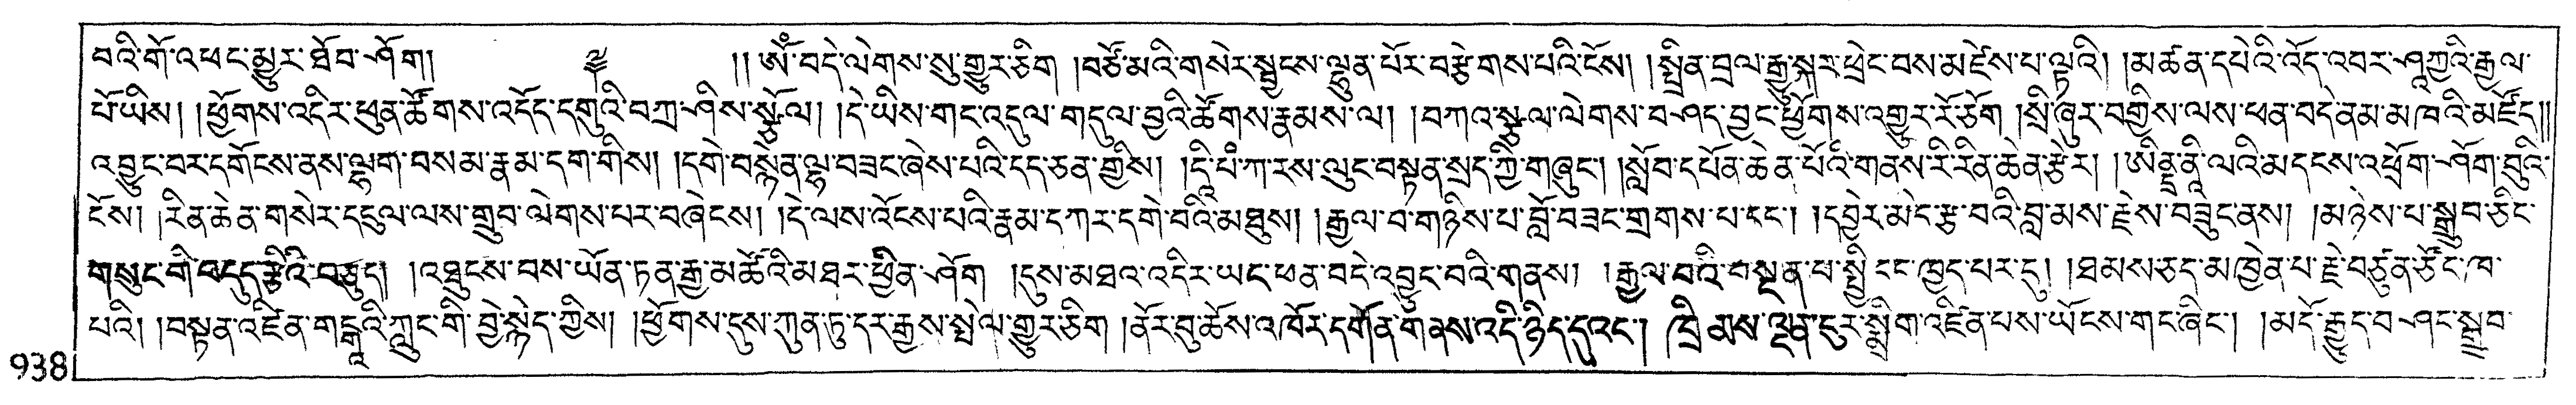བའི་གོ་འཕང་མྱུར་ཐོབ་ཤོག ། ༈ །།ཨོཾ་བདེ་ལེགས་སུ་གྱུར་ཅིག །བཙོ་མའི་གསེར་སྦྱངས་ལྷུན་པོར་བརྩེགས་པའི་ངོས། །སྤྲིན་བྲལ་རྒྱུ་སྐར་ཕྲེང་བས་མཛེས་པ་ལྟའི། །མཚན་དཔེའི་འོད་འབར་ཤཱཀྱའི་རྒྱལ་
པོ་ཡིས། །ཕྱོགས་འདིར་ཕུན་ཚོགས་འདོད་དགུའི་བཀྲ་ཤིས་སྩོལ། །དེ་ཡིས་གང་འདུལ་གདུལ་བྱའི་ཚོགས་རྣམས་ལ། །བཀའ་སྩལ་ལེགས་བཤད་བྱང་ཕྱོགས་འགྱུར་རོ་ཅོག །སྲི་ཞུར་བགྱིས་ལས་ཕན་བདེ་ནམ་མཁའི་མཛོད།
འབྱུང་བར་དགོངས་ནས་ལྷག་བསམ་རྣམ་དག་གིས། །དགེ་བསྙེན་ལྷ་བཟང་ཞེས་པའི་དད་ཅན་གྱིས། །དཱི་པཾ་ཀ་རས་ལུང་བསྟན་སྲད་ཀྱི་གཞུང་། །སློབ་དཔོན་ཆེན་པོའི་གནས་རི་རིན་ཆེན་རྩེར། །ཨིནྡྲ་ནཱི་ལའི་མདངས་འཕྲོག་ཤོག་བུའི་
ངོས། །རིན་ཆེན་གསེར་དངུལ་ལས་གྲུབ་ལེགས་པར་བཞེངས། །དེ་ལས་འོངས་པའི་རྣམ་དཀར་དགེ་བའི་མཐུས། །རྒྱལ་བ་གཉིས་པ་བློ་བཟང་གྲགས་པ་དང་། །དབྱེར་མེད་རྩ་བའི་བླ་མས་རྗེས་བཟུང་ནས། །མཉེས་པ་སྒྲུབ་ཅིང་
གསུང་གི་བདུད་རྩིའི་བཅུད། །འཐུངས་བས་ཡོན་ཏན་རྒྱ་མཚོའི་མཐར་ཕྱིན་ཤོག །དུས་མཐའ་འདིར་ཡང་ཕན་བདེ་འབྱུང་བའི་གནས། །རྒྱལ་བའི་བསྔན་པ་སྤྱི་དང་ཁྱད་པར་དུ། །ཐམས་ཅད་མཁྱེན་པ་རྗེ་བཙུན་ཙོང་ཁ་
པའི། །བསྟན་འཛིན་གངྒཱའི་ཀླུང་གི་བྱེ་སྙེད་ཀྱིས། །ཕྱོགས་དུས་ཀུན་ཏུ་དར་རྒྱས་སྤེལ་གྱུར་ཅིག །ནོར་བུ་ཆོས་འཁོར་དགོན་གནས་འདི་ཉིད་དུའང་། ཁྲིམས་ལྡན་ངུར་སྨྲིག་འཛིན་པས་ཡོངས་གང་ཞིང་། །མདོ་རྒྱུད་བཤད་སྒྲུབ་